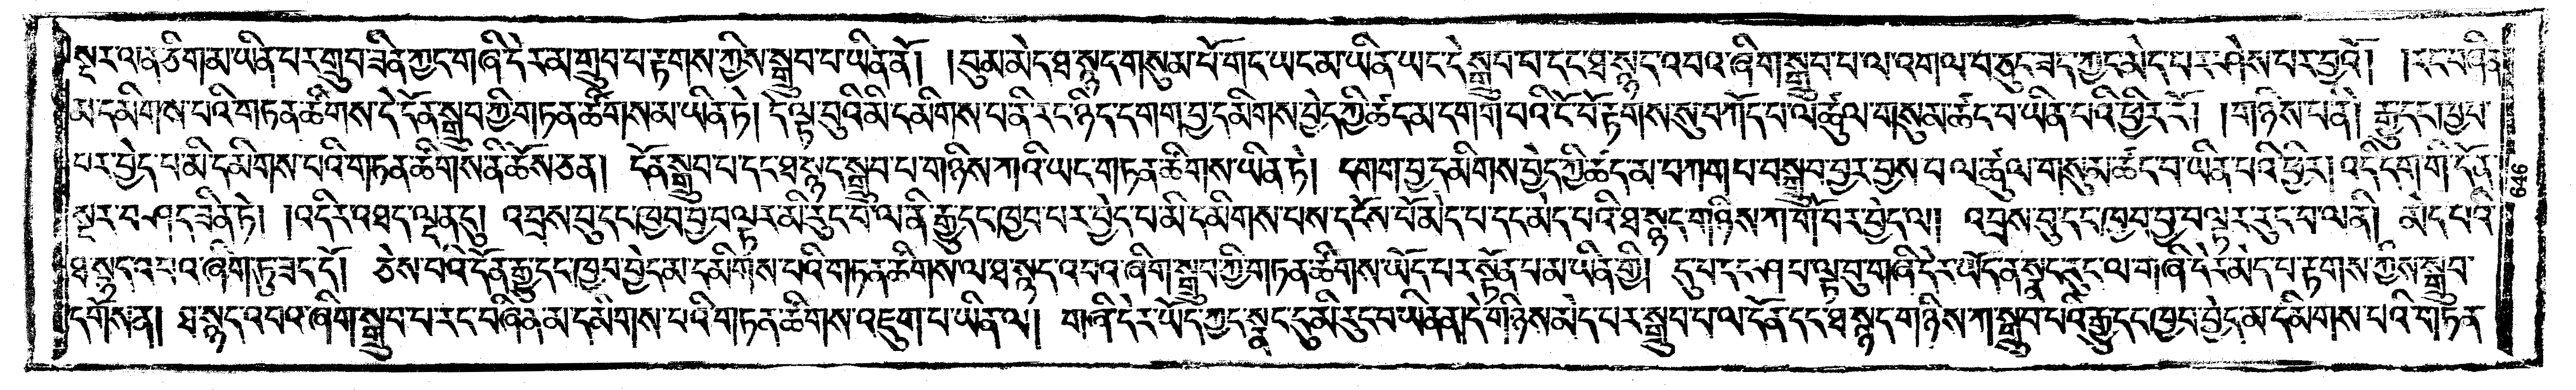སྔར་ལན་ཅིག་མ་ཡིན་པར་གྲུབ་ཟིན་ཀྱང་གཞི་དེར་མ་གྲུབ་པ་རྟགས་ཀྱིས་སྒྲུབ་པ་ཡིན་ནོ། །བུམ་མེད་ཐ་སྙད་གསུམ་པོ་གང་ཡང་མ་ཡིན་ཡང་དེ་སྒྲུབ་པ་དང་ཐ་སྙད་འབའ་ཞིག་སྒྲུབ་པ་ལ་འགལ་བ་ཅུང་ཟད་ཀྱང་མེད་པར་ཤེས་པར་བྱའོ། །རང་བཞིན་
མ་དམིགས་པའི་གཏན་ཚིགས་དེ་དོན་སྒྲུབ་ཀྱི་གཏན་ཚིགས་མ་ཡིན་ཏེ། དེ་ལྟ་བུའི་མི་དམིགས་པ་ནི་རང་ཉིད་དགག་བྱ་དམིགས་བྱེད་ཀྱི་ཚད་མ་དགག་པའི་ངོ་བོ་རྟགས་སུ་བཀོད་པ་ལ་ཚུལ་གསུམ་ཚང་བ་ཡིན་པའི་ཕྱིར་རོ། །གཉིས་པ་ནི། རྒྱུ་དང་ཁྱབ་
པར་བྱེད་པ་མི་དམིགས་པའི་གཏན་ཚིགས་ནི་ཆོས་ཅན། དོན་སྒྲུབ་པ་དང་ཐ་སྙད་སྒྲུབ་པ་གཉིས་ཀའི་ཡང་གཏན་ཚིགས་ཡིན་ཏེ། དགག་བྱ་དམིགས་བྱེད་ཀྱི་ཚད་མ་བཀག་པ་བསྒྲུབ་བྱར་བྱས་པ་ལ་ཚུལ་གསུམ་ཚང་བ་ཡིན་པའི་ཕྱིར། འདི་དག་གི་དོན་
སྔར་བཤད་ཟིན་ཏེ། །འདིར་འཐད་ལྡན་དུ། འབྲས་བུ་དང་ཁྱབ་བྱ་བལྟར་མི་རུང་བ་ལ་ནི་རྒྱུ་དང་ཁྱབ་པར་བྱེད་པ་མི་དམིགས་པས་དངོས་པོ་མེད་པ་དང་མེད་པའི་ཐ་སྙད་གཉིས་ཀ་གོ་བར་བྱེད་ལ། འབྲས་བུ་དང་ཁྱབ་བྱ་བ་ལྟར་རུང་བ་ལ་ནི། མེད་པའི་
ཐ་སྙད་འབའ་ཞིག་ཏུ་ཟད་དོ། ཅེས་པའི་དོན་རྒྱུ་དང་ཁྱབ་བྱེད་མ་དམིགས་པའི་གཏན་ཚིགས་ལ་ཐ་སྙད་འབའ་ཞིག་སྒྲུབ་ཀྱི་གཏན་ཚིགས་ཡོད་པར་སྟོན་པ་མ་ཡིན་གྱི། དུ་བ་དང་ཤ་པ་ལྟ་བུ་གཞི་དེར་ཡོད་ན་སྣང་རུང་ལ་གཞི་དེར་མེད་པ་རྟགས་ཀྱིས་སྒྲུབ་
དགོས་ན། ཐ་སྙད་འབའ་ཞིག་སྒྲུབ་པ་རང་བཞིན་མ་དམིགས་པའི་གཏན་ཚིགས་འཇུག་པ་ཡིན་ལ། གཞི་དེར་ཡོད་ཀྱང་སྣང་དུ་མི་རུང་བ་ཡིན་ན། དེ་གཉིས་མེད་པར་སྒྲུབ་པ་ལ་དོན་དང་ཐ་སྙད་གཉིས་ཀ་སྒྲུབ་པའི་རྒྱུ་དང་ཁྱབ་བྱེད་མ་དམིགས་པའི་གཏན་